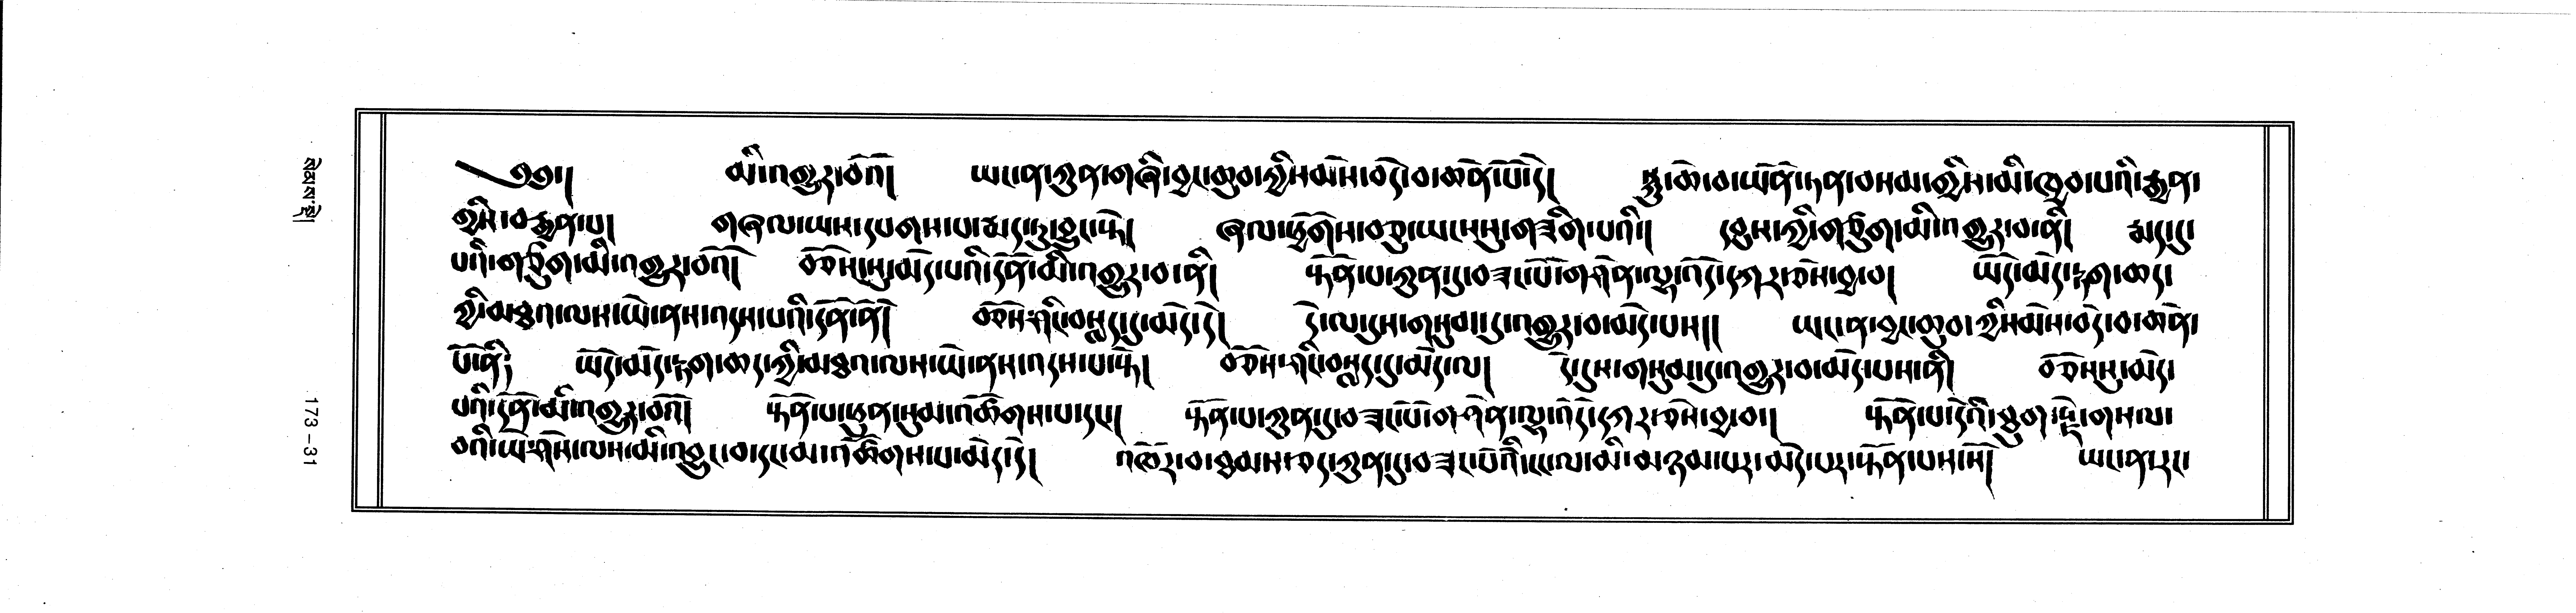མི་འགྱུར་བའོ། །ཡང་ན་ཀུན་གཞི་བྱང་ཆུབ་ཀྱི་སེམས་བདེ་བ་ཆེན་པོ་དེ། སྐུ་ཆེ་བའི་ཡོན་ཏན་བསམ་གྱིས་མི་ཁྱབ་པའི་རྒྱན་
གྱིས་བརྒྱན་པ། གཞལ་ཡས་དཔག་པ་རྨད་དུ་བྱུང་སྟེ། ཞལ་ཕྱོགས་བཅུ་ཡོངས་སུ་གཟིགས་པའི། དབུས་ཀྱི་གཙུག་མི་འགྱུར་བ་ནི། རྨད་དུ་
བའི་གཙུག་ནི་འགྱུར་བའོ། །བཅོས་སུ་མེད་པའི་དོན་མི་འགྱུར་བ་ནི། སྟོན་པ་ཀུན་ཏུ་བཟང་པོ་གཤེན་ལྷ་འོད་དཀར་ཅེས་བྱ་བ། ཡོད་མེད་རྟག་ཆད་
ཀྱི་མཐའ་ལས་ཡེ་ནས་འདས་པའི་དོན་ནོ། །བཅོས་ཤིང་བསླད་དུ་མེད་དེ། དེ་ལ་དུས་གསུམ་དུ་འགྱུར་བ་མེད་པས། ཡང་ན་བྱང་ཆུབ་ཀྱི་སེམས་བདེ་བ་ཆེན་
པོ་ནི། ཡོད་མེད་རྟག་ཆད་ཀྱི་མཐའ་ལས་ཡེ་ནས་འདས་པ་སྟེ། བཅོས་ཤིང་བསླད་དུ་མེད་ལ། དེ་དུས་གསུམ་དུ་འགྱུར་བ་མེད་པས་ནི། བཅོས་སུ་མེད་
པའི་དོན་མི་འགྱུར་བའོ། །སྟོན་པ་ཕུན་སུམ་ཚོགས་པ་དང་། སྟོན་པ་ཀུན་ཏུ་བཟང་པོ་གཤེན་ལྷ་འོད་དཀར་ཅེས་བྱ་བ། སྟོན་པ་དེའི་ཐུགས་རྗེ་གསལ་
བའི་ཡེ་ཤེས་ལས་མི་འབྱུང་བ་དང་མི་འཚོགས་པ་མེད་པ་དེ། འཁོར་བ་ཐམས་ཅད་ཀུན་ཏུ་བཟང་པོའི་ངང་ལ་མི་མཉམ་པ་མེད་པར་སྟོན་པས་སོ། །ཡང་ན་